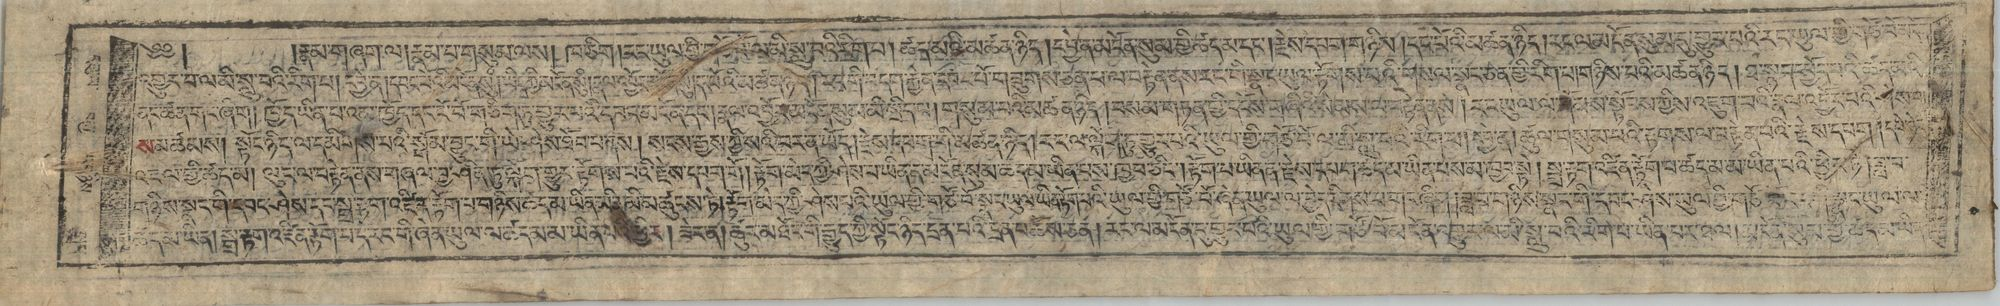༄༅། །རྣམ་གཞག་ལ། རྣམ་པ་གསུམ་ལས། ཁ་ཅིག །རང་ཡུལ་གྱི་གཙོ་བོ་ལ་མི་སླུ་བའི་རིག་པ། ཚད་མའི་མཚན་ཉིད། དབྱེ་ན་མངོན་སུམ་གྱི་ཚད་མ་དང་། རྗེས་དཔག་གཉིས། དང་པོའི་མཚན་ཉིད། རང་ལ་མངོན་སུམ་དུ་གྱུར་བའི་རང་ཡུལ་གྱི་གཙོ་བོ་མངོན་
འགྱུར་བ་ལ་མི་སླུ་བའི་རིག་པ། དབྱེ་ན། དབང་པོའི་མངོན་སུམ། ཡིད་ཀྱི་མངོན་སུམ། རྣལ་འབྱོར་མངོན་སུམ། དང་པོའི་མཚན་ཉིད། རང་གི་བདག་རྐྱེན་དབང་པོ་གཟུགས་ཅན་པ་ལ་བརྟེན་ནས་རང་གི་སྣང་ཡུལ་རྟོགས་པའི་གསལ་སྣང་ཅན་གྱི་རིག་པ། གཉིས་པའི་མཚན་ཉིད། ཐ་སྙད་དཔྱོད་པའི་ཚད་མའི་
ནང་ཚན་གང་ཞིག །ཁྱོད་ཡིན་པའམ་ཁྱོད་དང་ངོ་བོ་གཅིག་ཏུ་གྱུར་པའི་དབང་མངོན་དང་། རྣལ་འབྱོར་མངོན་སུམ་མི་སྲིད་པ། གསུམ་པའི་མཚན་ཉིད། བསམ་གཏན་གྱི་དངོས་གཞིའི་སེམས་ལ་བརྟེན་ནས། རང་ཡུལ་ལ་གོམས་སྟོབས་ཀྱིས་འཇུག་པའི་རྣལ་འབྱོར་པའི་ཤེས་པ།
ས་མཚམས། སྟོང་ཉིད་ལ་དམིགས་པའི་སྒོམ་བྱུང་གི་ཡེ་ཤེས་ཐོབ་པ་ནས། སངས་རྒྱས་ཀྱི་སའི་བར་ན་ཡོད། རྗེས་དཔག་གི་མཚན་ཉིད། རང་ལ་ལྐོག་ཏུ་གྱུར་བའི་ཡུལ་གྱི་གཙོ་བོ་ལ་མི་སླུ་བའི་རིག་པ། དབྱེ་ན། ཚུལ་གསུམ་པའི་རྟགས་ལ་བརྟེན་པའི་རྗེས་དཔག །དཔེ་ཉེར་
འཇལ་གྱི་ཚད་མ། ལུང་ལ་བརྟེན་ནས་གཞལ་བྱ་ཤིན་ཏུ་ལྐོག་གྱུར་རྟོགས་པའི་རྗེས་དཔག་གོ། རྟོག་མེད་ཀྱི་ཤེས་པ་ཡིན་ན་མངོན་སུམ་ཚད་མ་ཡིན་པས་ཁྱབ་ཅིང་། རྟོག་པ་ཡིན་ན་རྗེས་དཔག་ཚད་མ་ཡིན་པས་མ་ཁྱབ་སྟེ། སྒྲ་རྟག་འཛིན་རྟོག་པ་ཚད་མ་མ་ཡིན་པའི་ཕྱིར་ཏེ། ཟླ་བ་
གཉིས་སྣང་གི་དབང་ཤེས་དང་སྒྲ་རྟག་འཛིན་རྟོག་པ་གཉིས་ཚད་མ་ཡིན་མིན་མི་མཚུངས་ཏེ། རྟོག་མེད་ཀྱི་ཤེས་པའི་ཡུལ་གྱི་གཙོ་བོ་སྣང་ཡུལ་ཡིན་རྟོག་པའི་ཡུལ་གྱི་གཙོ་བོ་ཞེན་ཡུལ་ལ་བྱེད་རིགས་པ་གང་ཞིག །ཟླ་བ་གཉིས་སྣང་གི་དབང་ཤེས་ཡུལ་གྱི་གཙོ་བོ་རང་གི་སྣང་ཡུལ་ལ་
ཚད་མ་ཡིན། སྒྲ་རྟག་འཛིན་རྟོག་པ་དེ་རང་གི་ཞེན་ཡུལ་ལ་ཚད་མ་མ་ཡིན་པའི་ཕྱིར། ཟེར་ན། ཚུར་མཐོང་གི་རྒྱུད་ཀྱི་སྟོང་ཉིད་དྲན་པའི་དྲན་པ་ཆོས་ཅན། རང་ལ་མངོན་དུ་གྱུར་པའི་ཡུལ་གྱི་གཙོ་བོ་མངོན་འགྱུར་ལ་མི་སླུ་བའི་རིག་པ་ཡིན་པར་ཐལ། མངོན་སུམ་གྱི་ཚད་མ་ཡིན་